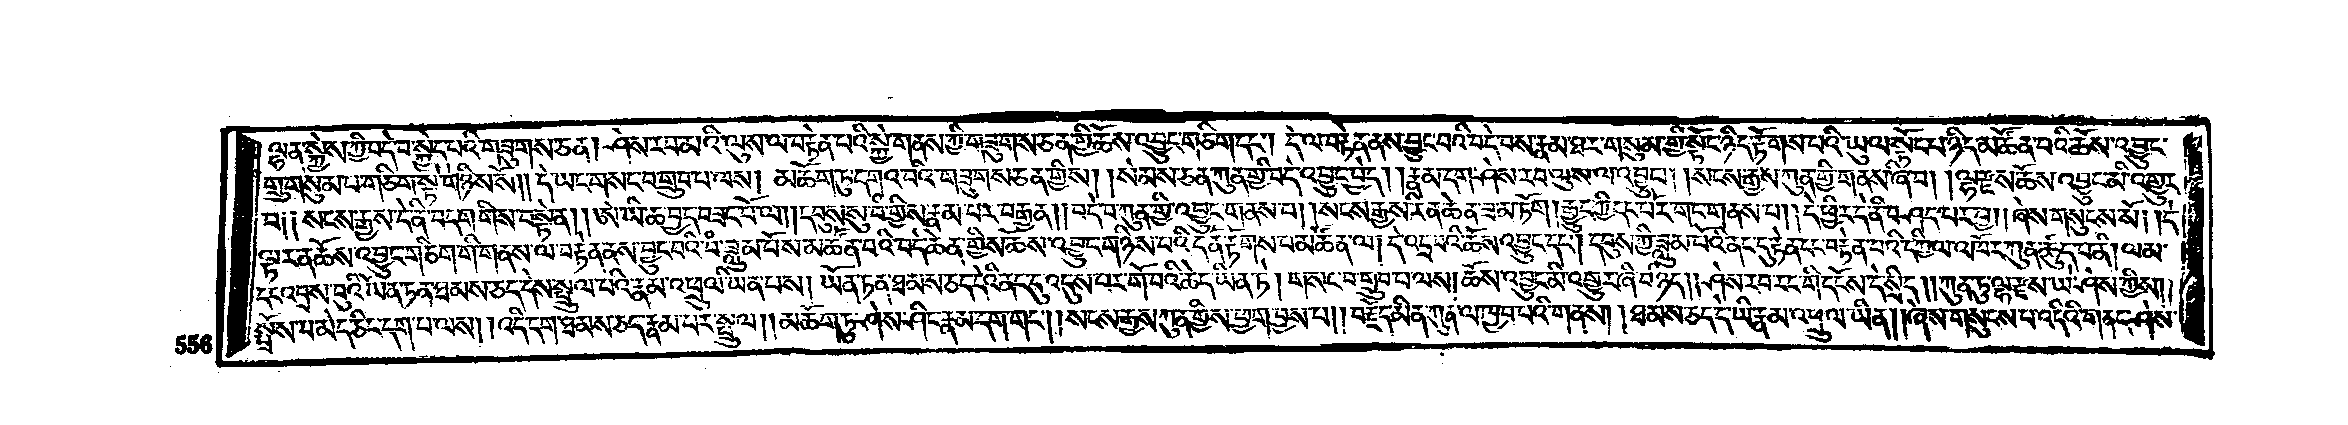ལྷན་སྐྱེས་ཀྱི་བདེ་བ་བསྐྱེད་པའི་གཟུགས་ཅན། ཤེས་རབ་མའི་ལུས་ལ་བརྟེན་པའི་སྐྱེ་གནས་ཀྱི་གཟུགས་ཅན་གྱི་ཆོས་འབྱུང་གཅིག་དང་། དེ་ལ་བརྟེན་ནས་བྱུང་བའི་བདེ་བས་རྣམ་ཐར་གསུམ་གྱི་སྟོང་ཉིད་རྟོགས་པའི་ཡུལ་སྟོང་པ་ཉིད་མཚོན་པའི་ཆོས་འབྱུང་
གྲུ་གསུམ་པ་གཅིག་སྟེ་གཉིས་སོ། །དེ་ཡང་གསང་བ་གྲུབ་པ་ལས། མཆོག་ཏུ་དགའ་བའི་གཟུགས་ཅན་གྱིས། །སེམས་ཅན་ཀུན་གྱི་བདེ་འབྱུང་བྱེད། །རྣམ་དག་ཤེས་རབ་ལུས་ལ་འབྱུང་། །སངས་རྒྱས་ཀུན་གྱི་གནས་ཞི་བ། །ལྷ་རྫས་ཆོས་འབྱུང་མི་འགྱུར་
བ། །སངས་རྒྱས་དེ་ནི་བདག་གིས་བསྟེན། །ཨེ་ཡི་ཆ་བྱད་བཟང་པོ་ལ། །དབུས་སུ་བཾ་གྱིས་རྣམ་པར་བརྒྱན། །བདེ་བ་ཀུན་གྱི་འབྱུང་གནས་པ། །སངས་རྒྱས་རིན་ཆེན་ཟ་མ་ཏོག །རྒྱུད་ཀྱི་དང་པོར་གང་གནས་པ། །དེ་ཕྱིར་དེ་ནི་བཤད་པར་བྱ། །ཞེས་གསུངས་སོ། །དེ་
ལྟར་ན་ཆོས་འབྱུང་གཅིག་གི་གནས་ལ་བརྟེན་ནས་བྱུང་བའི་བཾ་ཟླུམ་པོས་མཚོན་པའི་བདེ་ཆེན་གྱིས་ཆོས་འབྱུང་གཉིས་པའི་དོན་རྟོགས་པ་མཚོན་ལ། དེ་འདྲ་བའི་ཆོས་འབྱུང་དང་། དབུས་ཀྱི་ཟླུམ་པོའི་ནང་དུ་རྟེན་དང་བརྟེན་པའི་དཀྱིལ་འཁོར་ཀུན་ཚུད་པ་ནི། ལམ་
དང་འབྲས་བུའི་ཡོན་ཏན་ཐམས་ཅད་དེས་སྤྲུལ་པའི་རྣམ་འཕྲུལ་ཡིན་པས། ཡོན་ཏན་ཐམས་ཅད་དེའི་ནང་དུ་འདུས་པར་གོ་བའི་ཆེད་ཡིན་ཏེ། གསང་བ་གྲུབ་པ་ལས། ཆོས་འབྱུང་མི་འགྱུར་ཞི་བ་ཉིད། །ཤེས་རབ་རང་གི་དངོས་དེ་སྲིད། །ཀུན་ཏུ་ལྷ་རྫས་ཡེ་ཤེས་ཀྱིས། །
སྤྲོས་པ་མེད་ཅིང་དག་པ་ལས། །འདི་དག་ཐམས་ཅད་རྣམ་པར་སྤྲུལ། །མཆོག་ཏུ་ཤེས་ཤིང་རྣམ་དག་གང་། །སངས་རྒྱས་ཀུན་གྱིས་ཕྱག་བྱས་པ། །བརྗོད་མིན་ཀུན་ལ་ཁྱབ་པའི་གནས། །ཐམས་ཅད་དེ་ཡི་རྣམ་འཕྲུལ་ཡིན། །ཞེས་གསུངས་པ་འདིའི་གནད་ཤེས་